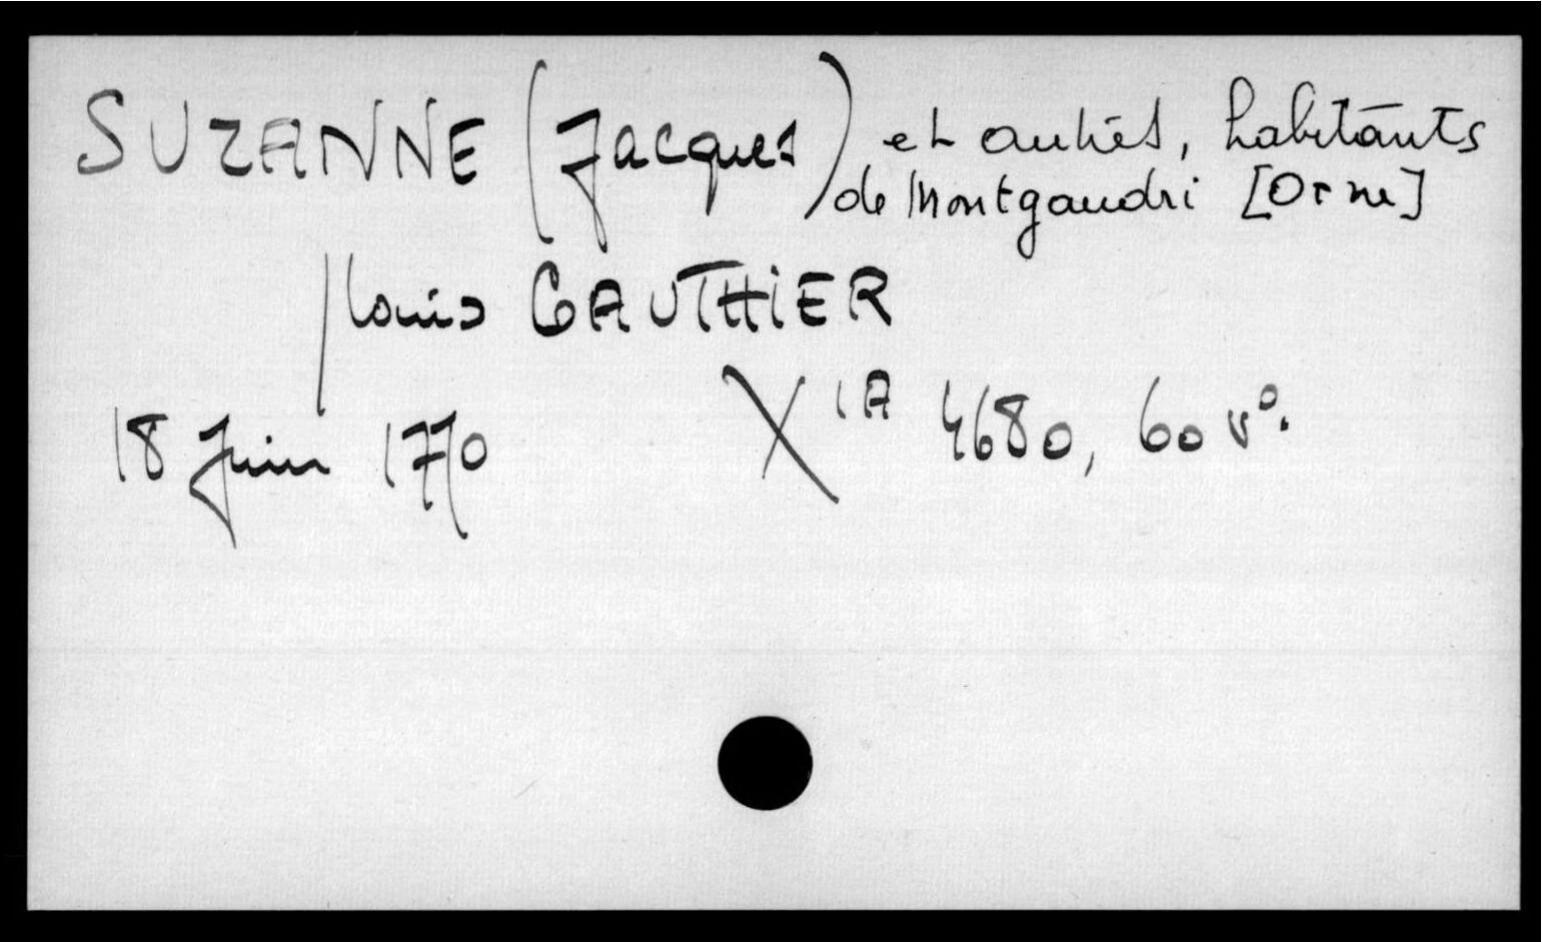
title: SUZANNE (Jacques) et autres, habitants de Montgaudri [Orne]
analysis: Contre Louis GAUTHIER
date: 18 juin 1770
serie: X1A
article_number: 4680
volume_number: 60v
